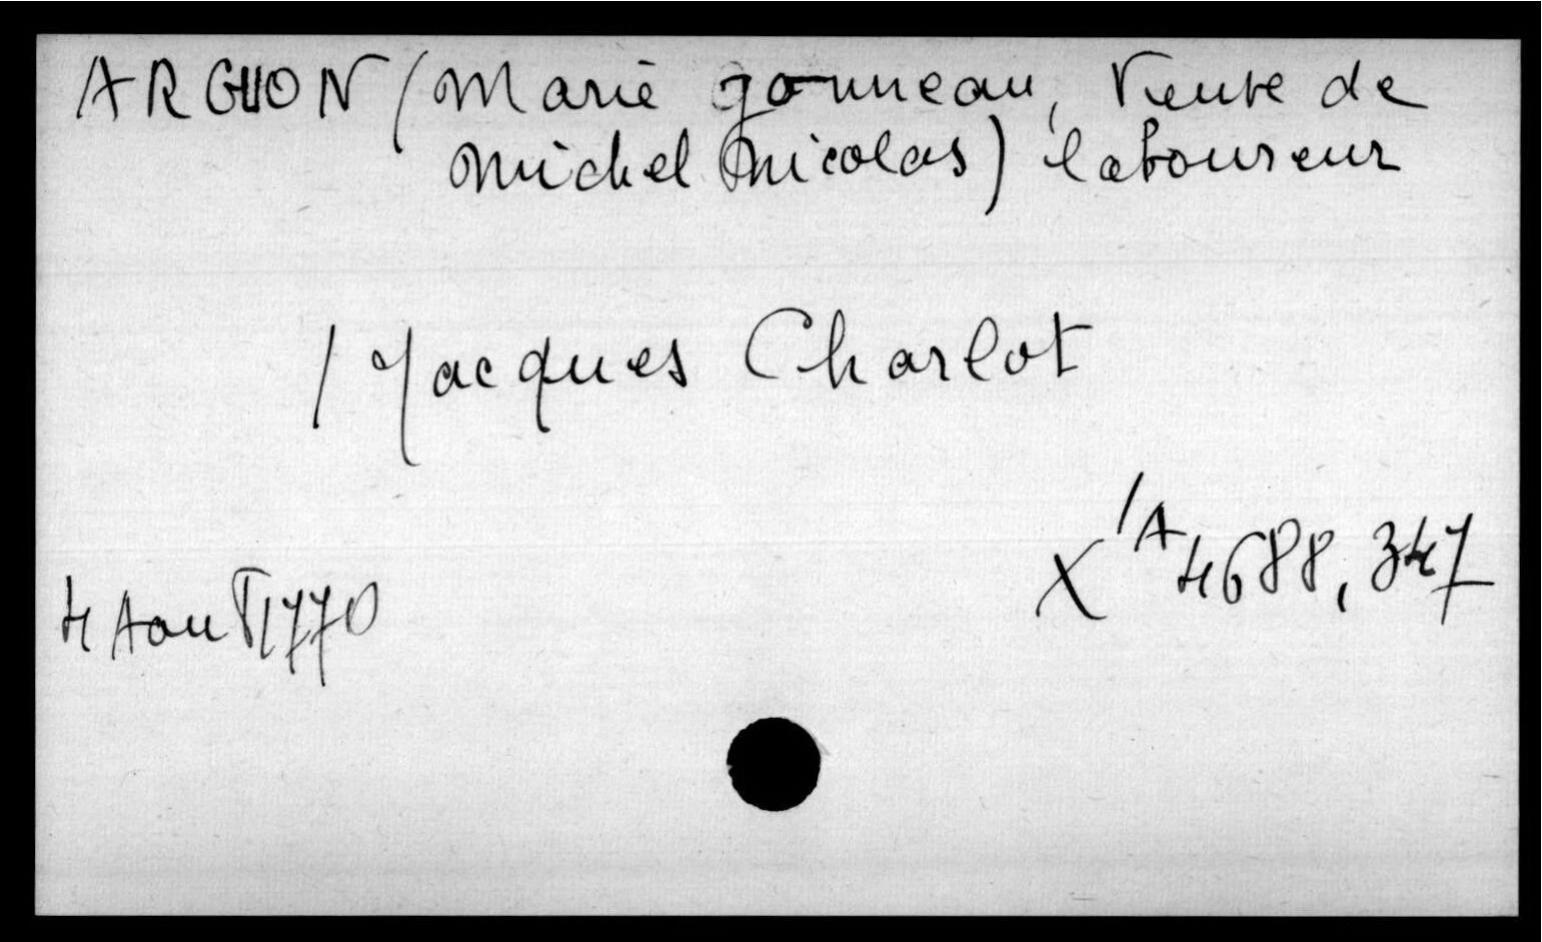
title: ARGUON (Marie Gonneau, veuve de Michel Nicolas) laboureur
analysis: Contre Jacques Charlot
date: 4 août 1770
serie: X1A
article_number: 4688
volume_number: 347
